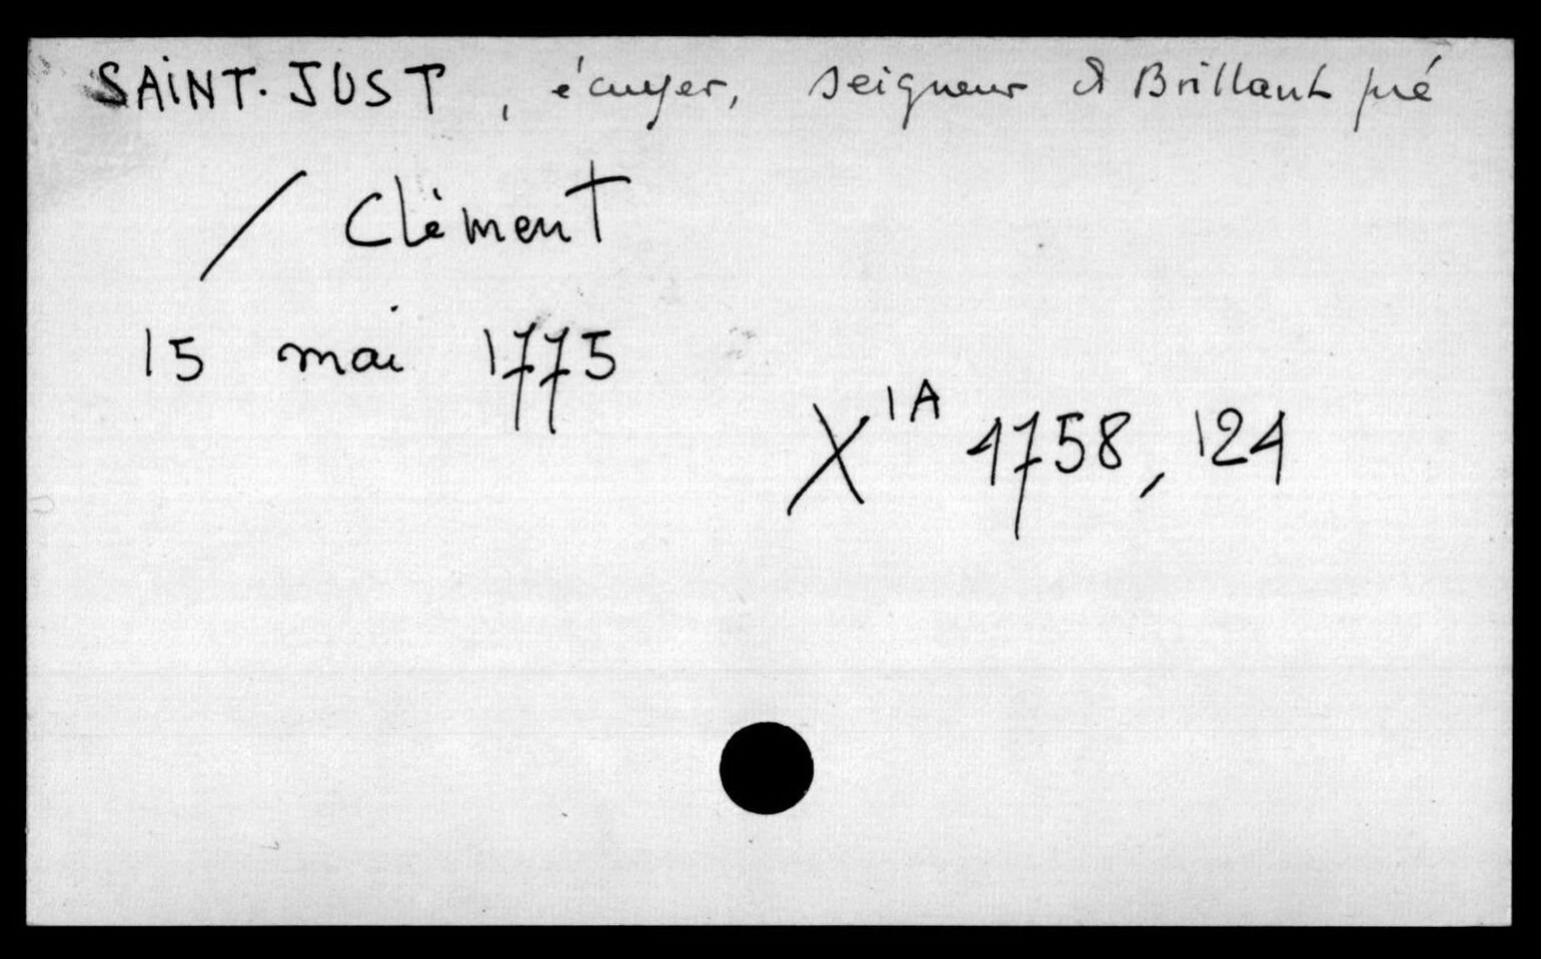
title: SAINT-JUST, écuyer, Seigneur de Brillant pré
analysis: Contre Clément
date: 15 mai 1775
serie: X1A
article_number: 4758
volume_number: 124
